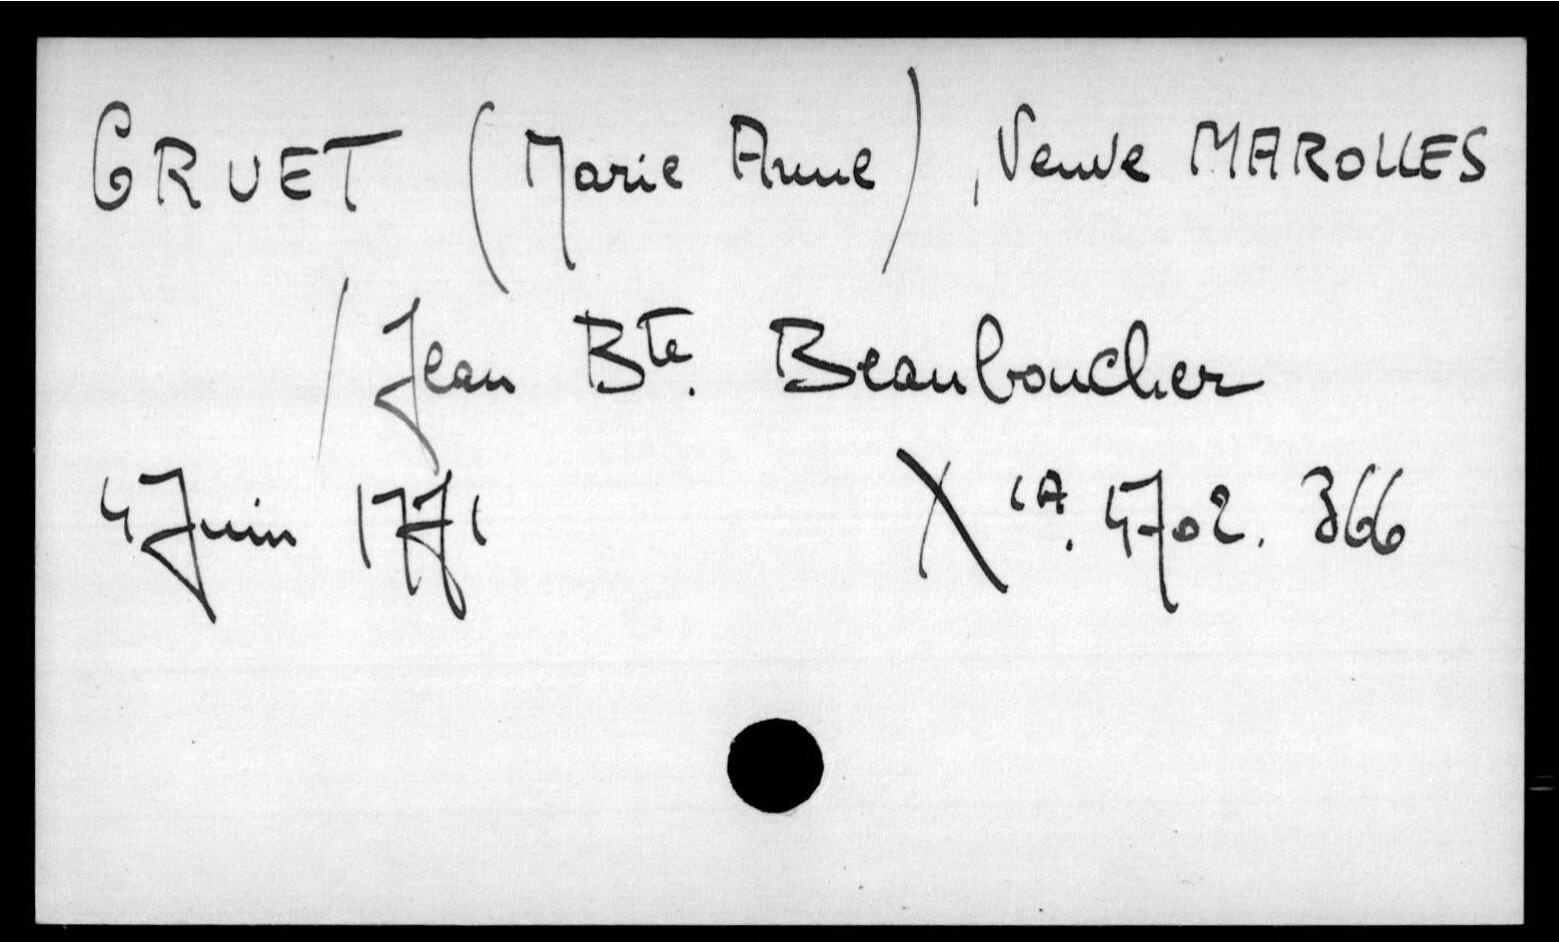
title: GRUET (Marie Anne), Veuve MAROLLES
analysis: Contre Jean-Baptiste Beauboucher
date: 4 juin 1771
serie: X1A
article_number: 4702
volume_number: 366
